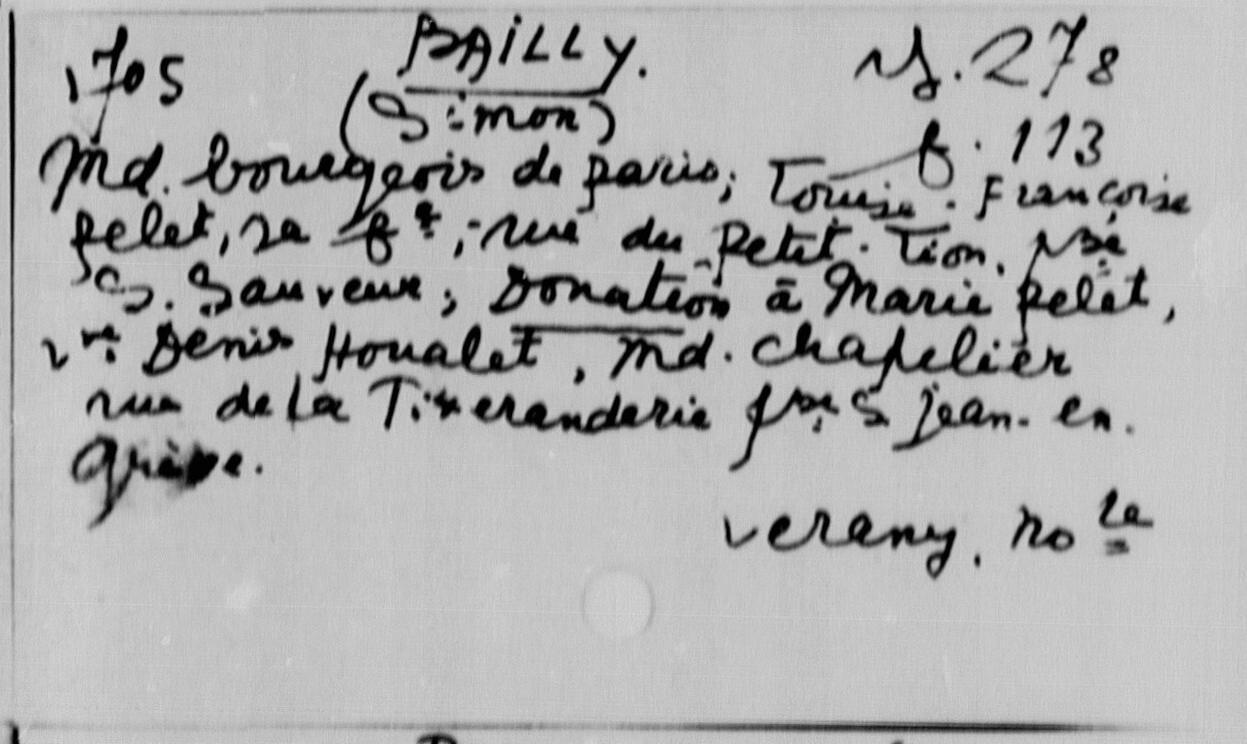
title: BAILLY (Simon)
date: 1705
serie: Y
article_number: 278
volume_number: folio 113
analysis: Marchand, bourgeois de Paris, Louise-Françoise Pelet, sa femme, rue du Petit-Lion, paroisse Saint-Sauveur. Donation à Marie PELET, vevue Denis Houalet, marchand chapelier, rue de la Tixeranderie, paroisse Saint-Jean-en-Grève. Verany, notaire.
